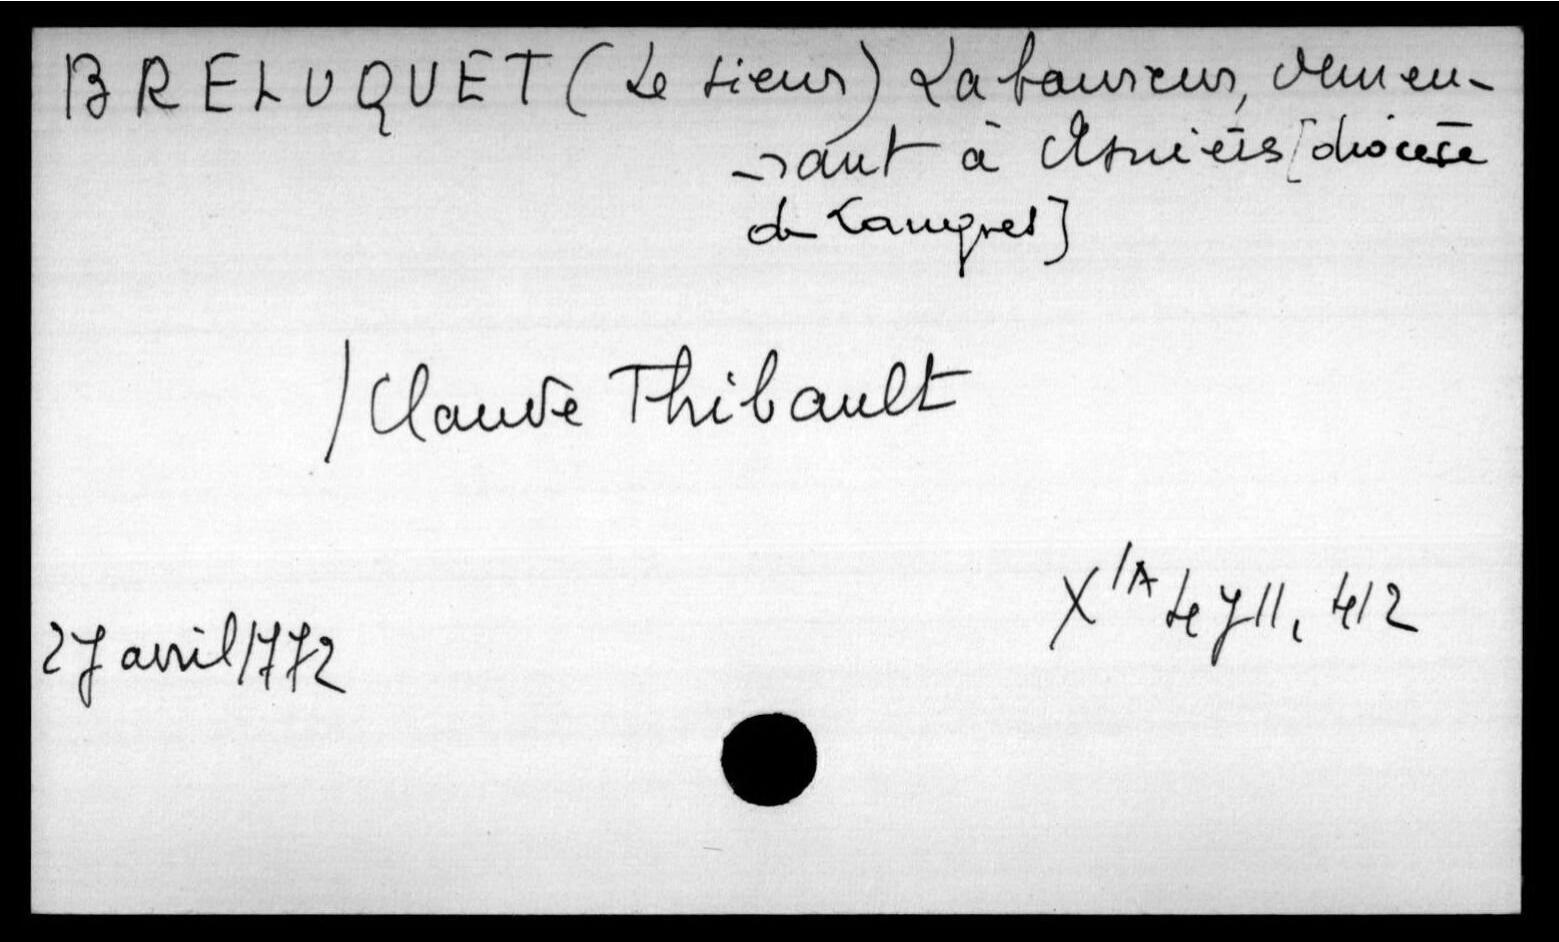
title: BRELUQUET (le sieur) Laboureur, demeurant à Asnières, [diocèse de Langres]
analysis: Contre Clauve Thibault
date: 27 avril 1772
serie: X1A
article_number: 4711
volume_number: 412
